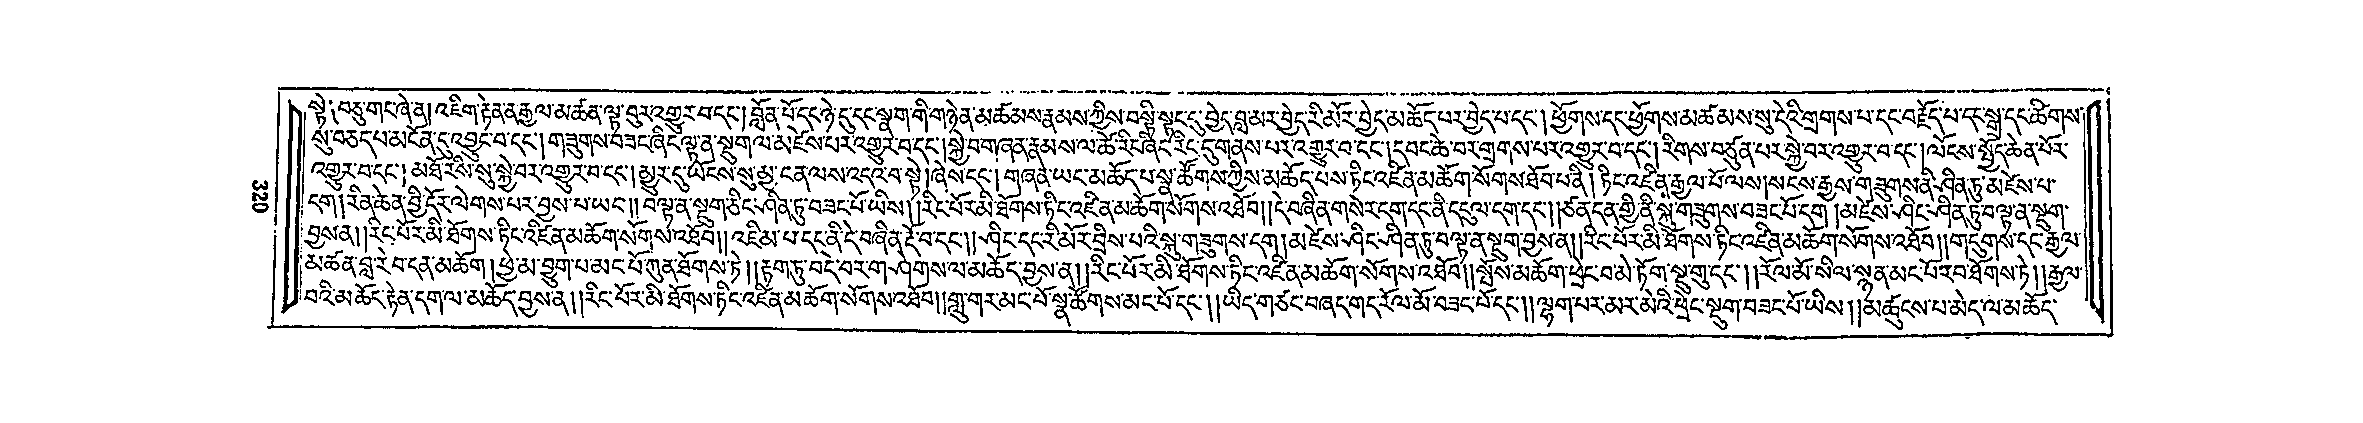སྟེ། བཅུ་གང་ཞེ་ན། འཇིག་རྟེན་ན་རྒྱལ་མཚན་ལྟ་བུར་འགྱུར་བ་དང་། བློན་པོ་དང་ཉེ་དུ་དང་སྣག་གི་གཉེན་མཚམས་རྣམས་ཀྱིས་བསྟི་སྟང་དུ་བྱེད་བླ་མར་བྱེད་རི་མོར་བྱེད་མཆོད་པར་བྱེད་པ་དང་། ཕྱོགས་དང་ཕྱོགས་མཚམས་སུ་དེའི་གྲགས་པ་དང་བརྗོད་པ་དང་སྒྲ་དང་ཚིགས་
སུ་བཅད་པ་མངོན་དུ་འབྱུང་བ་དང་། གཟུགས་བཟང་ཞིང་ལྟ་ན་སྡུག་ལ་མཛེས་པར་འགྱུར་བ་དང་། སྐྱེ་བ་གཞན་རྣམས་ལ་ཚེ་རིང་ཞིང་རིང་དུ་གནས་པར་འགྱུར་བ་དང་། དབང་ཆེ་བར་གྲགས་པར་འགྱུར་བ་དང་། རིགས་བཙུན་པར་སྐྱེ་བར་འགྱུར་བ་དང་། ལོངས་སྤྱོད་ཆེན་པོར་
འགྱུར་བ་དང་། མཐོ་རིས་སུ་སྐྱེ་བར་འགྱུར་བ་དང་། མྱུར་དུ་ཡོངས་སུ་མྱ་ངན་ལས་འདའ་བ་སྟེ། ཞེས་དང་། གཞན་ཡང་མཆོད་པ་སྣ་ཚོགས་ཀྱིས་མཆོད་པས་ཏིང་འཛིན་མཆོག་སོགས་ཐོབ་པ་ནི། རིང་འཛིན་རྒྱལ་པོ་ལས། སངས་རྒྱས་གཟུགས་ནི་ཤིན་ཏུ་མཛེས་པ་
དག །རིན་ཆེན་བྱི་དོར་ལེགས་པར་བྱས་པ་ཡང་། །བལྟ་ན་སྡུག་ཅིང་ཤིན་ཏུ་བཟང་པོ་ཡིས། །རིང་པོར་མི་ཐོགས་རིང་ང་འཛིན་མཆོག་སོགས་འཐོབ། །དེ་བཞིན་གསེར་དག་དང་ནི་དངུལ་དག་དང་། ཙན་དན་གྱི་ནི་སྐུ་གཟུགས་བཟང་པོ་དག །མཛེས་ཤིང་ཤིན་ཏུ་བསྟ་ན་སྡུག་
བྱས་ན། །རིང་པོར་མི་ཐོགས་ཏིང་འཛིན་མཆོག་སོགས་འཐོབ། །འཇིམ་པ་དང་ནི་དེ་བཞིན་རྡོ་བ་དང་། །ཤིང་དང་རི་མོར་བྲིས་པའི་སྐུ་གཟུགས་དག །མཛེས་ཤིང་ཤིན་ཏུ་བལྟ་ན་སྡུག་བྱས་ན། །རིང་པོར་མི་ཐོགས་ཏིང་འཛིན་མཆོག་སོགས་འཐོབ། །གདུགས་དང་རྒྱལ་
མཚན་བླ་རེ་བ་དན་མཆོག །ཕྱེ་མ་བྱུག་པ་མང་པོ་ཀུན་ཐོགས་ཏེ། །རྟག་ཏུ་བདེ་བར་གཤེགས་ལ་མཆོད་བྱས་ན། །རིང་པོར་མི་ཐོགས་ཏིང་འཛིན་མཆོག་སོགས་འཐོབ། །སྤོས་མཆོག་ཕྲེང་བ་མེ་ཏོག་སྡུ་གུ་དང་། །རོལ་མོ་སིལ་སྙན་མང་པོ་རབ་ཐོགས་ཏེ། །རྒྱལ་
བའི་མཆོད་རྟེན་དག་ལ་མཆོད་བྱས་ན། །རིང་པོར་མི་ཐོགས་ཏིང་འཛིན་མཆོག་སོགས་འཐོབ། །གླུ་གར་མང་པོ་སྣ་ཚོགས་མང་པོ་དང་། །ཡིད་གཙང་བཞད་གད་རོལ་མོ་བཟང་པོ་དང་། །ལྷག་པར་མར་མེའི་ཕྲེང་སྡུག་བཟང་པོ་ཡིས། །མཚུངས་པ་མེད་ལ་མཆོད་